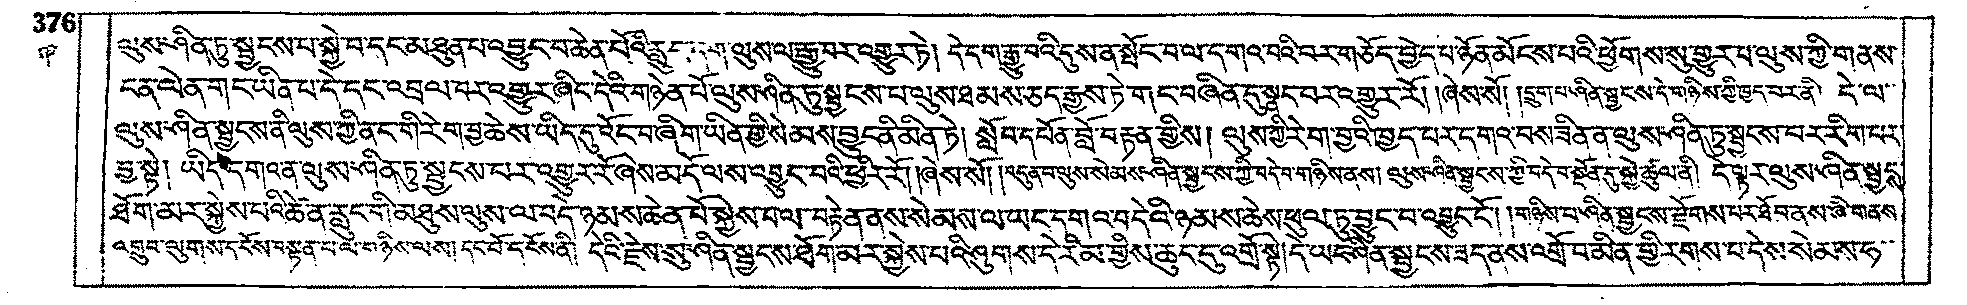ལུས་ཤིན་ཏུ་སྦྱངས་པ་སྐྱེ་བ་དང་མཐུན་པ་འབྱུང་བ་ཆེན་པོའི་རླུང་དག་ལུས་ལ་རྒྱུ་བར་འགྱུར་ཏེ། དེ་དག་རྒྱུ་བའི་དུས་ན་སྤོང་བ་ལ་དགའ་བའི་བར་གཅོད་བྱེད་པ་ཉོན་མོངས་པའི་ཕྱོགས་སུ་གྱུར་པ་ལུས་ཀྱི་གནས་
ངན་ལེན་གང་ཡིན་པ་དེ་དང་འབྲལ་བར་འགྱུར་ཞིང་དེའི་གཉེན་པོ་ལུས་ཤིན་ཏུ་སྦྱངས་པ་ལུས་ཐམས་ཅད་རྒྱས་ཏེ་གང་བཞིན་དུ་སྣང་བར་འགྱུར་རོ། །ཞེས་སོ། །དྲུག་པ་ཤིན་སྦྱངས་དེ་གཉིས་ཀྱི་ཁྱད་པར་ནི།  དེ་ལ་
ལུས་ཤིན་སྦྱངས་ནི་ལུས་ཀྱི་ནང་གི་རེག་བྱ་ཆེས་ཡིད་དུ་འོང་བ་ཞིག་ཡིན་གྱི་སེམས་བྱུང་ནི་མིན་ཏེ། སློབ་དཔོན་བློ་བརྟེན་གྱིས། ལུས་ཀྱི་རེག་བྱའི་ཁྱད་པར་དགའ་བས་ཟིན་ན་ལུས་ཤིན་ཏུ་སྦྱངས་པར་རིག་པར་
བྱ་སྟེ། ཡིད་དགའ་ན་ལུས་ཤིན་ཏུ་སྦྱངས་པར་འགྱུར་རོ་ཞེས་མདོ་ལས་འབྱུང་བའི་ཕྱིར་རོ། །ཞེས་སོ། །བདུན་པ་ལུས་སེམས་ཤིན་སྦྱངས་ཀྱི་བདེ་བ་གཉིས་ནས། ལུས་ཤིན་སྦྱངས་ཀྱི་བདེ་བ་སྔོན་དུ་སྐྱེ་ཚུལ་ནི།  དེ་ལྟར་ལུས་ཤིན་སྦྱངས་
ཐོག་མར་སྐྱེས་པའི་ཚེ་ན་རླུང་གི་མཐུས་ལུས་ལ་བདེ་ཉམས་ཆེན་པོ་སྐྱེས་པ་ལ་བརྟེན་ནས་སེམས་ལ་ཡང་དགའ་བ་དེའི་ཉམས་ཆེས་ཕུལ་དུ་བྱུང་བ་འབྱུང་ངོ། །གཉིས་པ་ཤིན་སྦྱངས་རྫོགས་པར་ཐོབ་ནས་ཞི་གནས་
འགྲུབ་ལུགས་དངོས་བསྟན་པ་ལ་གཉིས་ལས། དང་བོ་དངོས་ནི། དེའི་རྗེས་སུ་ཤིན་སྦྱངས་ཐོག་མར་སྐྱེས་པའི་ཤུགས་དེ་རིམ་གྱིས་ཆུང་ངུ་འགྲོ་སྟེ། དེ་ཡང་ཤིན་སྦྱངས་ཟད་ནས་འགྲོ་བ་མིན་གྱི་རགས་པ་དེས་སེམས་ཧ་